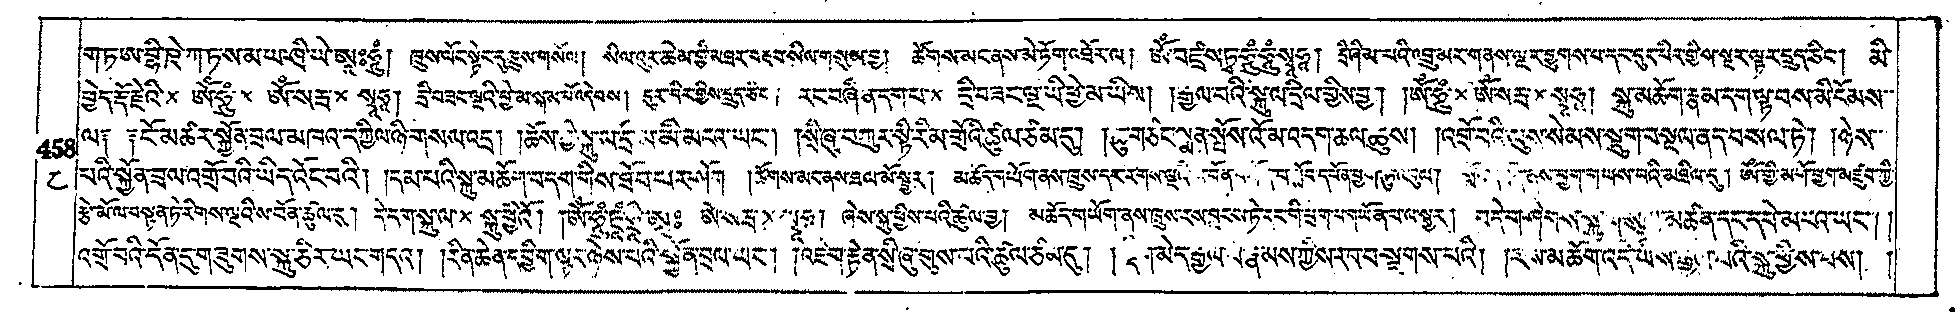ག་ཏ་ཨ་བྷི་ཥེ་ཀ་ཏ་ས་མ་ཡ་ཤྲི་ཡེ་ཨཱཿཧཱུཾ། ཁྲུས་ལོང་སྟེང་དུ་ཁྲུས་གསོལ། སིལ་འུར་ཆེམ་གྱི་མཐར་བརྡབ་སིལ་གསུམ་བྱ། ཚོགས་མང་ནས་མེ་ཏོག་འཐོར་ལ།  ཨོཾ་བཛྲ་སཏྭ་ཧཱུཾ་ཧཱུཾ་སྭཱཧཱ། དྲི་ཞིམ་པའི་འབྲུ་མར་གནས་ལྔར་བྱུགས་པ་དང་དུར་པིར་གྱིས་སྔར་ལྟར་དྲུད་ཅིང་།  མི་
ཕྱེད་རྡོ་རྗེའི་྾་ཨོཾ་ཧཱུཾ་྾་ཨོཾ་སརྦ་྾་སྭཱཧཱ། དྲི་བཟང་ལྔའི་ཕྱེ་མ་སྐམ་པོ་འདེབས། དུར་པིར་གྱིས་དྲུད་ཅིང་།  རང་བཞིན་དག་པ་྾་དྲི་བཟང་ལྔ་ཡི་ཕྱེ་མ་ཡིས། །རྒྱལ་བའི་སྐུ་ལ་དྲིལ་ཕྱིས་བྱ། །ཨོཾ་ཧཱུཾ་྾་ཨོཾ་སརྦ་྾་སྭཱཧཱ། སྐུ་མཆོག་རྣམ་དག་ལྟ་བས་མི་ངོམས་
ལ༑ ༑ངོ་མཚར་སྐྱོན་བྲལ་མཁའ་དཀྱིལ་ཉི་གསལ་འདྲ། །ཆོས་ཀྱི་སྐུ་ལ་དྲི་མ་མི་མངའ་ཡང་། །སྲི་ཞུ་བཀུར་སྟི་རིམ་གྲོའི་ཚུལ་ཙམ་དུ། །ཆུ་གཙང་སྨན་སྤོས་འོ་མ་འདག་ཆལ་ཆུས། །འགྲོ་བའི་ལུས་སེམས་སྡུག་བསྔལ་ནད་བསལ་ཏེ། ཉེས་
པའི་སྐྱོན་བྲལ་འགྲོ་བའི་ཡིད་འོང་བའི། །དམ་པའི་སྐུ་མཆོག་བདག་གིས་ཐོབ་པར་ཤོག །ཚོགས་མང་ནས་ཐལ་མོ་སྦྱར། མཆོད་གཡོག་ནས་ཁྲུས་དང་རིགས་ལྔའི་ས་བོན་བཀོད་པ་སློབ་དཔོན་ཕྱག་ཏུ་འབུལ། སློབ་དཔོན་ནས་ཕྱག་གཡས་པའི་མཐིལ་དུ། ཨོཾ་གྱི་མགོ་ཕྱག་མཛུབ་ཀྱི་
རྩེ་མོ་ལ་བསྟན་ཏེ་རིགས་ལྔའི་ས་བོན་ཚུལ་དུ། དེ་དག་སྐུ་ལ་྾་སྐུ་ཕྱིའོ། །ཨོཾ་ཧཱུཾ་ཧྲཱཾ་ཧྲཱི་ཨཱཿ ཨོཾ་སརྦ་྾་སྭཱཧཱ། ཞེས་སྐུ་ཕྱིས་པའི་ཚུལ་བྱ། མཆོད་གཡོག་ནས་ཁྲུས་རས་བླངས་ཏེ་རང་གི་ཕྲག་པ་གཡོན་པ་ལ་སྦྱར།  བདེ་གཤེགས་སྐུ་གསུམ་མཚན་དང་དཔེ་མངའ་ཡང་། །
འགྲོ་བའི་དོན་དུ་གཟུགས་སྐུ་ཅིར་ཡང་གདའ། །རིན་ཆེན་དབྱིག་ལྟར་ཉེས་པའི་སྐྱོན་བྲལ་ཡང་། །འཇིག་རྟེན་སྲི་ཞུ་གུས་པའི་ཚུལ་ཙམ་དུ། །སྡིག་མེད་རྒྱལ་བ་རྣམས་ཀྱིས་རབ་བསྔགས་པའི། །རས་མཆོག་འདི་ཡིས་རྒྱལ་བའི་སྐུ་ཕྱིས་པས། །